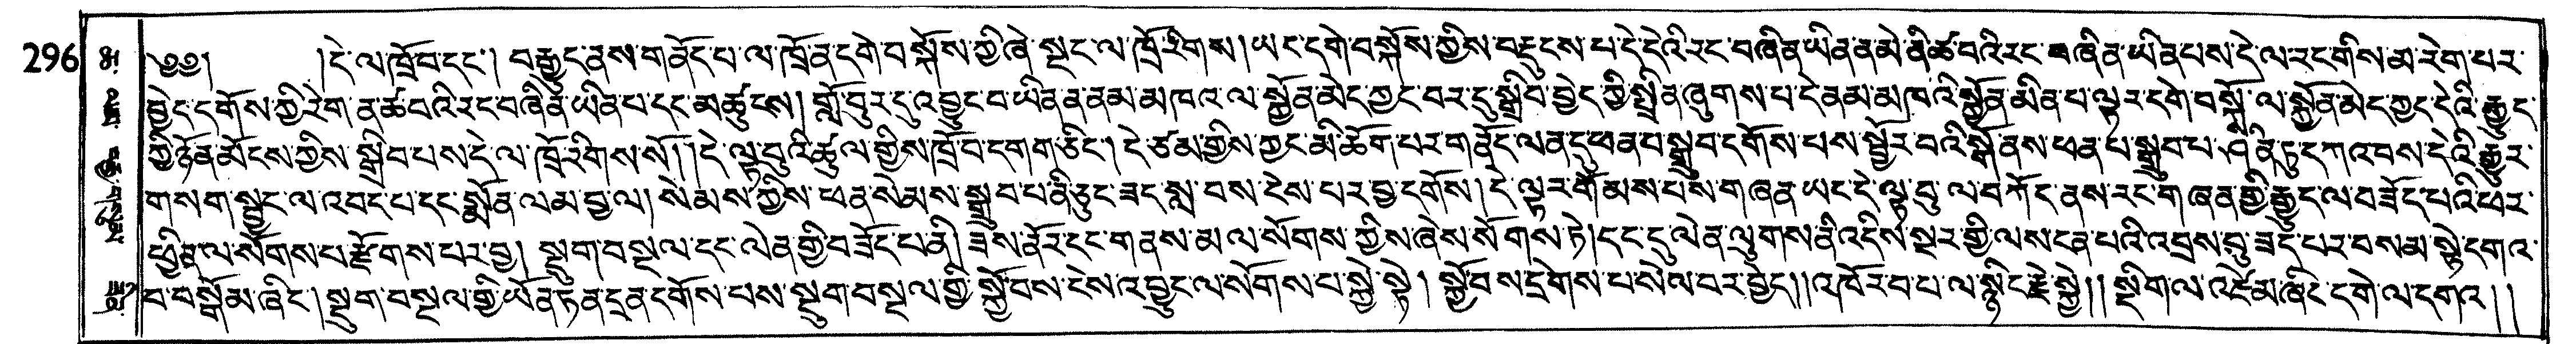༄༅། །དེ་ལ་ཁྲོ་བ་དང་། བརྒྱུད་ནས་གནོད་པ་ལ་ཁྲོ་ན་དགེ་བསྐོས་ཀྱི་ཞེ་སྡང་ལ་ཁྲོ་རིགས། ཡང་དགེ་བསྐོས་ཀྱིས་བརྡུངས་པ་དེ་དེའི་རང་བཞིན་ཡིན་ན་མེ་ནི་ཚ་བའི་རང་བཞིན་ཡིན་པས་དེ་ལ་རང་གིས་མ་རེག་པར་
བྱེད་དགོས་ཀྱི་རེག་ན་ཚ་བའི་རང་བཞིན་ཡིན་པ་དང་མཚུངས། གློ་བུར་དུ་འབྱུང་བ་ཡིན་ན་ནམ་མཁའ་ལ་སྐྱོན་མེད་ཀྱང་བར་དུ་སྒྲིབ་བྱེད་ཀྱི་སྤྲིན་ཞུགས་པ་དེ་ནམ་མཁའི་སྐྱོན་མིན་པ་ལྟར་དགེ་བསྐོ་ལ་སྐྱོན་མེད་ཀྱང་དེའི་རྒྱུད་
ཀྱི་ཉོན་མོངས་ཀྱིས་སྒྲིབ་པས་དེ་ལ་ཁྲོ་རིགས་སོ། །དེ་ལྟ་བུའི་ཚུལ་གྱིས་ཁྲོ་བ་དགག་ཅིང་། དེ་ཙམ་གྱིས་ཀྱང་མི་ཆོག་པར་གནོད་ལན་དུ་ཕན་པ་སྒྲུབ་དགོས་པས་སྦྱོར་བའི་སྒོ་ནས་ཕན་པ་སྒྲུབ་པ་ཤིན་ཏུ་དཀའ་བས་དེའི་རྒྱུར་
གསག་སྦྱང་ལ་འབད་པ་དང་སྨོན་ལམ་བྱ་ལ། སེམས་ཀྱིས་ཕན་སེམས་སྒྲུབ་པ་ནི་ཅུང་ཟད་སླ་བས་ངེས་པར་བྱ་དགོས། དེ་ལྟར་གོམས་པས་གཞན་ཡང་དེ་ལྟ་བུ་ལ་བཀོད་ནས་རང་གཞན་གྱི་རྒྱུད་ལ་བཟོད་པའི་ཕར་
ཕྱིན་ལ་སོགས་པ་རྫོགས་པར་བྱ། སྡུག་བསྔལ་དང་ལེན་གྱི་བཟོད་པ་ནི། ཟས་ནོར་དང་གནས་མལ་སོགས་ཀྱིས་ཞེས་སོགས་ཏེ། དང་དུ་ལེན་ལུགས་ནི་འདིས་སྔར་གྱི་ལས་ངན་པའི་འབྲས་བུ་ཟད་པར་བསམ་སྟེ་དགའ་
བ་བསྒོམ་ཞིང་། སྡུག་བསྔལ་གྱི་ཡོན་ཏན་དྲན་དགོས་པས་སྡུག་བསྔལ་གྱི་སྐྱོ་བས་ངེས་འབྱུང་ལ་སོགས་པ་སྐྱེ་སྟེ། སྐྱོ་བས་དྲེགས་པ་སེལ་བར་བྱེད། །འཁོར་བ་པ་ལ་སྙིང་རྗེ་སྐྱེ། །སྡིག་ལ་འཛེམ་ཞིང་དགེ་ལ་དགའ།།